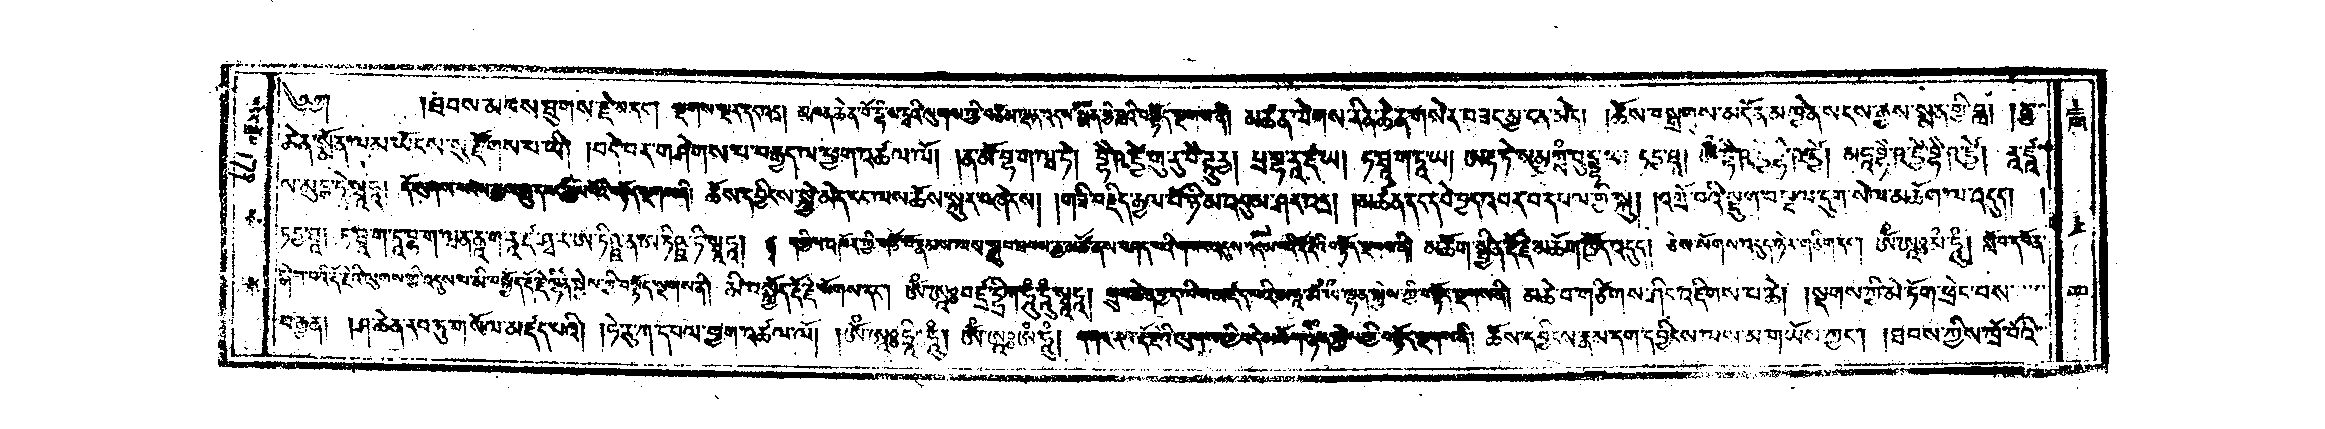༄༅། །ཐབས་མཁས་ཐུགས་རྗེ་མ་དང་། སྔགས་སྔར་དང་འདྲ། མཁན་ཆེན་བོ་དྷི་ས་དྲའི་ལུགས་ཀྱི་བཅོམ་ལྡན་འདས་སྨན༡༥་གྱི་བླའི་བསྟོད་སྔགས་དི། མཚན་ལེགས་རིན་ཆེན་གསེར་བཟང་མྱ་ངན་མེད། །ཆོས་བསྒྲགས་མངོན་མཁྱེན་སངས་རྒྱས་སྨན་གྱི་བླ། །རྒྱ་
ཆེན་སྨོན་ལམ་ཡོངས་སུ་རྫོགས་པ་ཡི། །བདེ་བར་གཤེགས་པ་བརྒྱད་ལ་ཕྱག་འཚལ་ལོ། །ན་མོ་བྷ་ག་ཝ་ཏེ། བྷཻ་ཊཿཨ་ཛྱེ་གུ་རུ་བཻ་ཌཱུརྱ། པྲ་བྷ་རཱ་ཛ་ཡ། ཏ་ཐཱ་ག་ཏཱ་ཡ། ཨརྟ་ཏེ་སམྱཀྶཾ་བུདྡྷ་ཡ། ཏདྱ་ཐཱ། ཨོཾ་བྷཻ་ཥ་ཛྱེ་བྷཻ་ཥ་ཛྱེ། མཧཱ་བྷཻ་ཥ་ཛྱེ་བྷཻ་ཥ་ཛྱེ། རཱ་ཛཱ་
ས་མུངྒ?་ཏེ་སྭཱཧཱ། ཇོ་ལུགས་སངས་རྒྱས་ཐུ་དབང་རྒྱལ༡༦་པོའི་བསྟོད་སྔགས་ནི། ཆོས་དབྱིངས་སྐྱེ་མེད་ངང་ལས་ཆོས་སྐུར་བཞེངས། །གཟི་བརྗིད་རྒྱལ་པོ་ཉི་མ་འབུམ་ཤར་འདྲ། །མཚན་དང་དཔེ་བྱད་འབར་བ་དཔལ་གྱི་སྐུ། །འགྲོ་བའི་སྡུག་བསྔལ་དུག་སེལ་མཆོག་ལ་འདུད། །
ཏདྱ་ཐཱ། ཏ་ཐཱ་ག་ཏཱ་བྷ་ག་ཝན་ནཱ་ག་རཱ་ཛ་ཤྭ་ར་ཨ་ཏིཥཊཿཨ་ན་ཨ་ཏིཥཊཿཨ་ཏི་སྭཱཧཱ། ༈ དཀྱིལ་འཁོར་གྱི་གཙོ་བོ་རྣམས་ལས་སྒྲུབ་ཐབས་རྒྱ་མཚོ་ནས་བཤད་པའི་གསང་འདུས་འཇམ༡༧་པའི་རྡོ་རྗེའི་བསྟོད་སྔགས་ནི། མཆོག་སྦྱིན་རྡོ་རྗེ་མཆོག་ཁྱོད་འདུད། ཅེས་སོགས་འདུད་ཉེར་གཅིག་དང་།  ཨོཾ་ཨཱཿམཾ་ཧཱུཾ། སློབ་དཔོན་
སྒེག་བའི་རྡོ་རྗེའི་ལུགས་ཀྱི་འདུས་པ་མི་བསྐྱོད་རྡོ་རྗེ་ལྷན༡༨་སྐྱེས་ཀྱི་བསྟོད་སྔགས་ནི། མི་བསྐྱོད་རྡོ་རྗེ་སོགས་དང་།  ཨོཾ་ཨཱཿབཛྲ་དྷྲིཀ་ཧཱུཾ་ཧཱུཾ་སྭཱཧཱ། གྲུབ་ཆེན་བྱ་ད་ལིས་མཛད་པའི་མཧཱ་མ་ཡ༡༩་ལྷན་སྐྱེས་ཀྱི་བསྟོད་སྔགས་ནི། མཆེ་བ་གཙིགས་ཤིང་འཇིགས་པ་ཆེ། །སྔགས་ཀྱི་མེ་ཏོག་ཕྲེང་བས་
བརྒྱན། །ཤ་ཆེན་རབ་ཏུ་གསོལ་མཛད་པའི། །ཧེ་རུ་ཀ་དཔལ་ཕྱག་འཚལ་ལོ། །ཨོཾ་ཨཱཿཧྲཱིཿཧཱུཾ། ཨོཾ་ཨཱཿཨཾ་ཧཱུཾ། དགའ་རབ་རྡོ་རྗེའི་ལུགས་ཀྱི་བདེ་མཆོག་ལྷན༢༠་སྐྱེས་ཀྱི་བསྟོད་སྔགས་ནི། ཆོས་དབྱིངས་རྣམ་དག་དབྱིངས་ལས་མ་གཡོས་ཀྱང་། །ཐབས་ཀྱིས་ཁྲོ་བོའི་